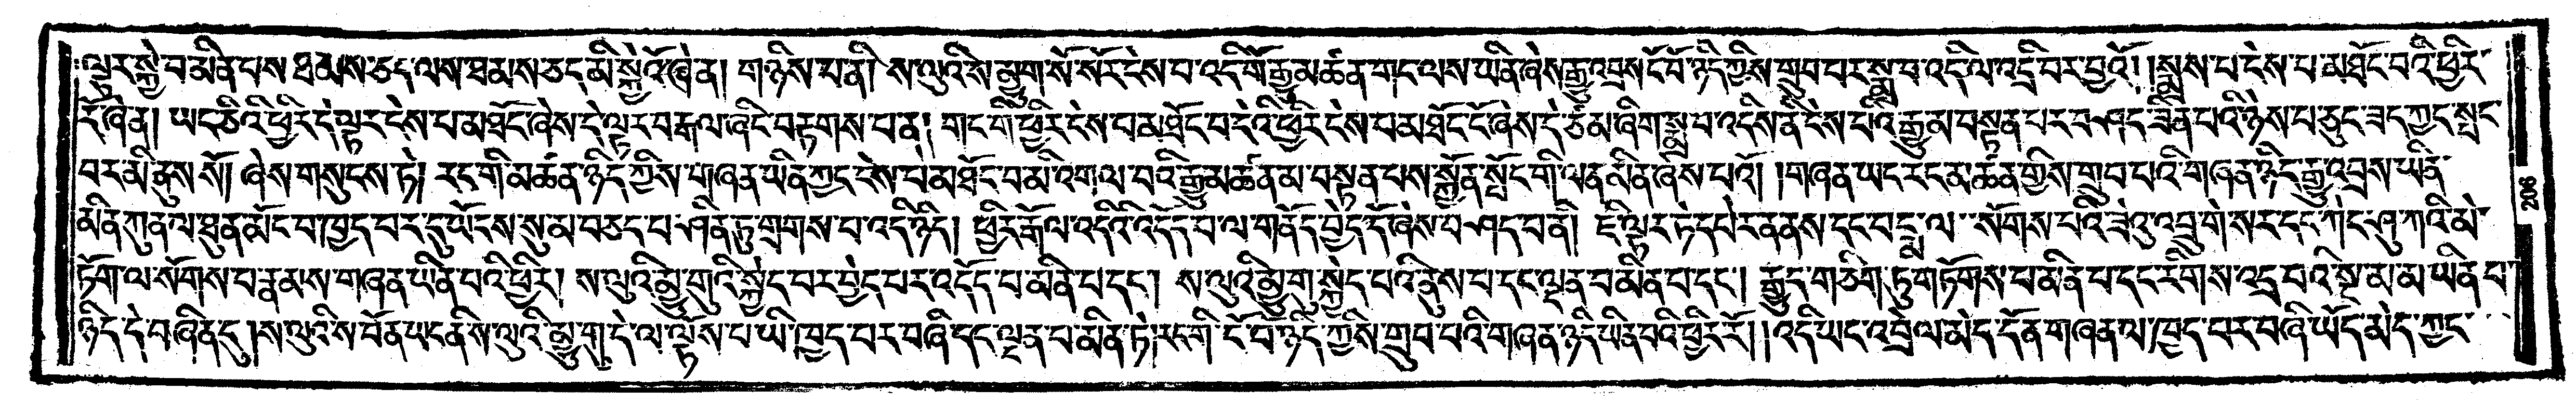ལྟར་སྐྱེ་བ་མིན་པས་ཐམས་ཅད་ལས་ཐམས་ཅད་མི་སྐྱེའོ་ཞེ་ན། གཉིས་པ་ནི། ས་ལུའི་ས་མྱུག་སོ་སོར་ངེས་པ་འདི་གོ་རྒྱུ་མཚན་གང་ལས་ཡིན་ཞེས་རྒྱུ་འབྲས་ངོ་བོ་ཉིད་ཀྱིས་གྲུབ་པར་སྨྲ་བ་འདི་ལ་འདྲི་བར་བྱའོ། །སྨས་པ་ངེས་པ་མཐོང་བའི་ཕྱིར་
རོ་ཞེ་ན། ཡང་ཅིའི་ཕྱིར་དེ་ལྟར་ངེས་པ་མཐོང་ཞེས་དེ་ལྟར་བརྒལ་ཞིང་བརྟགས་པ་ན། གང་གི་ཕྱིར་ངེས་པ་མཐོང་བ་དེའི་ཕྱིར་ངེས་པ་མཐོང་ངོ་ཞེས་དེ་ཙམ་ཞིག་སྨྲ་བ་འདིས་ནི་ངེས་པའི་རྒྱུ་མ་བསྟན་པར་བཤད་ཟིན་པའི་ཉེས་པ་ཅུང་ཟད་ཀྱང་སྤང་
བར་མི་ནུས་སོ། ཞེས་གསུངས་ཏེ། རང་གི་མཚན་ཉིད་ཀྱིས་གཞན་ཡིན་ཀྱང་ངེས་པ་མཐོང་བ་མི་འགལ་བའི་རྒྱུ་མཚན་མ་བསྟན་པས་སྐྱོན་སྤོང་གི་ལན་མིན་ཞེས་པའོ། །གཞན་ཡང་རང་མཚན་གྱིས་གྲུབ་པའི་གཞན་ཉིད་རྒྱུ་འབྲས་ཡིན་
མིན་ཀུན་ལ་ཐུན་མོང་བ་ཁྱད་པར་དུ་ཡོངས་སུ་མ་བཅད་པ་ཤིན་ཏུ་གྲགས་པ་འདི་ཉིད། ཕྱིར་རྒོལ་འདིའི་འདོད་པ་ལ་གནོད་བྱེད་དོ་ཞེས་བཤད་པ་ནི། ཇི་ལྟར་ཏེ་དཔེར་ན་ནས་དང་པདྨ་ལ་སོགས་པའི་ཟེའུ་འབྲུ་གེ་སར་དང་ཀེང་ཤུ་ཀའི་མེ་
ཏོག་ལ་སོགས་པ་རྣམས་གཞན་ཡིན་པའི་ཕྱིར། ས་ལུའི་མྱུ་གུའི་སྐྱེད་པར་བྱེད་པར་འདོད་པ་མིན་པ་དང་། ས་ལུའི་མྱུ་གུ་སྐྱེད་པའི་ནུས་པ་དང་ལྡན་པ་མིན་པ་དང་། རྒྱུད་གཅིག་ཏུ་གཏོགས་པ་མིན་པ་དང་རིགས་འདྲ་བའི་སྔ་མ་མ་ཡིན་པ་
ཉིད་དེ་བཞིན་དུ། ས་ལུའི་ས་བོན་ཡང་ནི་ས་ལུའི་མྱུ་གུ་དེ་ལ་ལྟོས་པ་ཡི་ཁྱད་པར་བཞི་དང་ལྡན་པ་མིན་ཏེ། རང་གི་ངོ་བོ་ཉིད་ཀྱིས་གྲུབ་པའི་གཞན་ཉིད་ཡིན་པའི་ཕྱིར་རོ། །འདི་ཡང་འབྲེལ་མེད་དོན་གཞན་ལ་ཁྱད་པར་བཞི་ཡོད་མེད་ཀྱང་